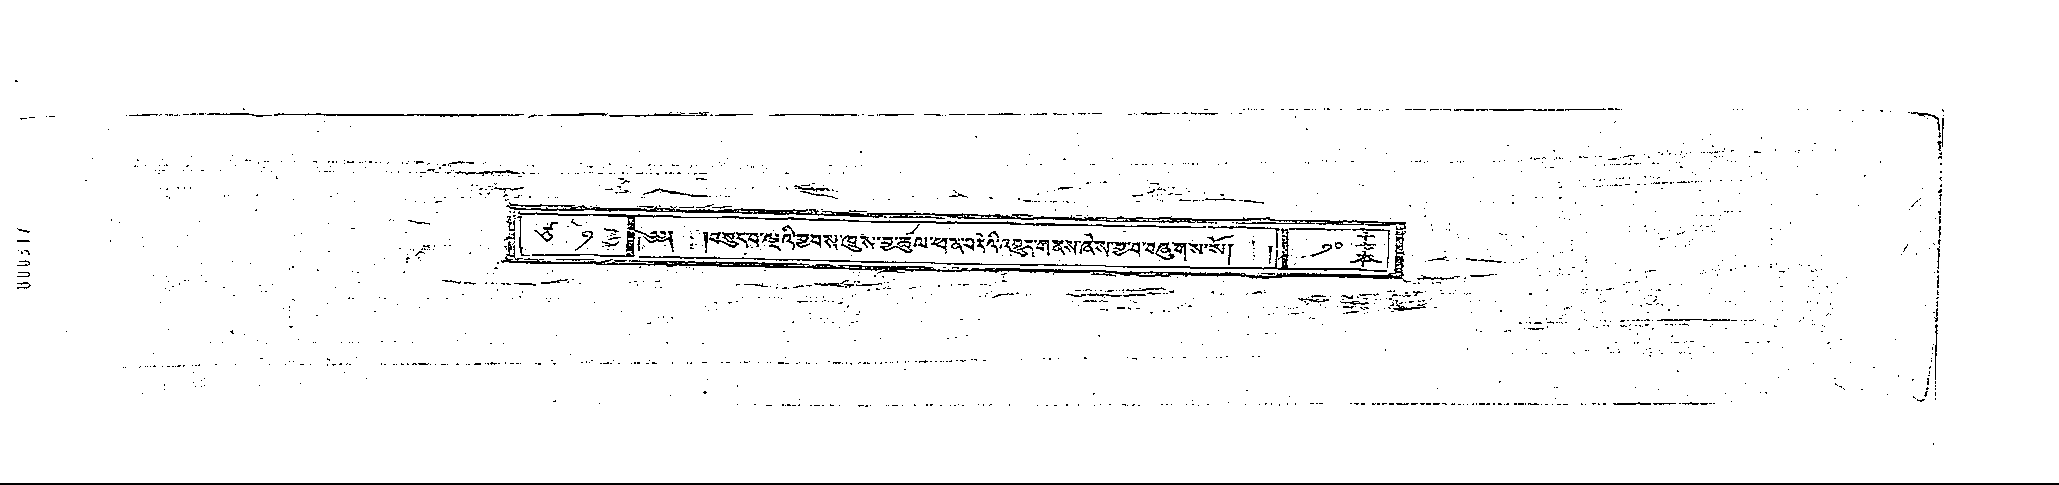ཏ༡༧?
ཙ ༡་༄༅། །བསྲུང་བ་ལྔའི་བྱ་བས་ཁྲུས་བྱ་ཚུལ་ཕན་བདེའི་འབྱུང་གནས་ཞེས་བྱ་བ་བཞུགས་སོ། །༡༠